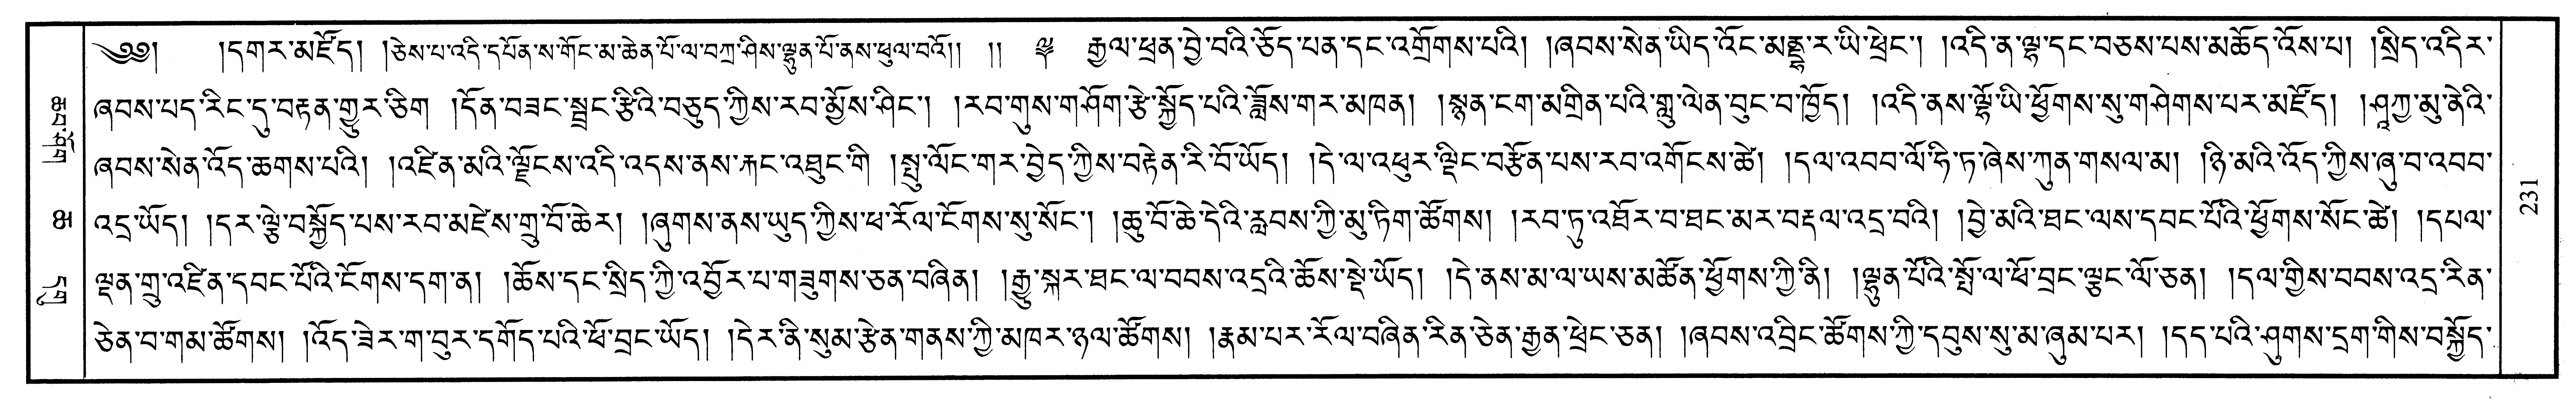༄༅། །དགར་མཛོད། །ཅེས་པ་འདི་དཔོན་ས་གོང་མ་ཆེན་པོ་ལ་བཀྲ་ཤིས་ལྷུན་པོ་ནས་ཕུལ་བའོ།། །། ༈ རྒྱལ་ཕྲན་བྱེ་བའི་ཅོད་པན་དང་འགྲོགས་པའི། །ཞབས་སེན་ཡིད་འོང་མནྡྷ་ར་ཡི་ཕྲེང་། །འདི་ན་ལྷ་དང་བཅས་པས་མཆོད་འོས་པ། །སྲིད་འདིར་
ཞབས་པད་རིང་དུ་བརྟན་གྱུར་ཅིག །དོན་བཟང་སྦྲང་རྩིའི་བཅུད་ཀྱིས་རབ་མྱོས་ཤིང་། །རབ་གུས་གཤོག་རྩེ་སྐྱོད་པའི་ཟློས་གར་མཁན། །སྙན་ངག་མགྲིན་པའི་གླུ་ལེན་བུང་བ་ཁྱོད། །འདི་ནས་ལྷོ་ཡི་ཕྱོགས་སུ་གཤེགས་པར་མཛོད། །ཤཱཀྱ་མུ་ནེའི་
ཞབས་སེན་འོད་ཆགས་པའི། །འཛིན་མའི་ལྗོངས་འདི་འདས་ནས་རྐང་འཐུང་གི །སྤུ་ལོང་གར་བྱེད་ཀྱིས་བརྟེན་རི་བོ་ཡོད། །དེ་ལ་འཕུར་ལྡིང་བརྩོན་པས་རབ་འགོངས་ཚེ། །དལ་འབབ་ལོ་ཧི་ཏ་ཞེས་ཀུན་གསལ་མ། །ཉི་མའི་འོད་ཀྱིས་ཞུ་བ་འབབ་
འདྲ་ཡོད། །དར་ལྕེ་བསྐྱོད་པས་རབ་མཛེས་གྲུ་བོ་ཆེར། །ཞུགས་ནས་ཡུད་ཀྱིས་ཕ་རོལ་ངོགས་སུ་སོང་། །ཆུ་བོ་ཆེ་དེའི་རླབས་ཀྱི་མུ་ཏིག་ཚོགས། །རབ་ཏུ་འཐོར་བ་ཐང་མར་བརྡལ་འདྲ་བའི། །བྱེ་མའི་ཐང་ལས་དབང་པོའི་ཕྱོགས་སོང་ཚེ། །དཔལ་
ལྡན་གྲུ་འཛིན་དབང་པོའི་ངོགས་དག་ན། །ཆོས་དང་སྲིད་ཀྱི་འབྱོར་པ་གཟུགས་ཅན་བཞིན། །རྒྱུ་སྐར་ཐང་ལ་བབས་འདྲའི་ཆོས་སྡེ་ཡོད། །དེ་ནས་མ་ལ་ཡས་མཚོན་ཕྱོགས་ཀྱི་ནི། །ལྷུན་པོའི་སྤོ་ལ་ཕོ་བྲང་ལྕང་ལོ་ཅན། །དལ་གྱིས་བབས་འདྲ་རིན་
ཅེན་བ་གམ་ཚོགས། །འོད་ཟེར་ག་བུར་དགོད་པའི་ཕོ་བྲང་ཡོད། །དེར་ནི་སུམ་རྩེན་གནས་ཀྱི་མཁར་ཉལ་ཚོགས། །རྣམ་པར་རོལ་བཞིན་རིན་ཅེན་རྒྱན་ཕྲེང་ཅན། །ཞབས་འབྲིང་ཚོགས་ཀྱི་དབུས་སུ་མ་ཞུམ་པར། །དད་པའི་ཤུགས་དྲག་གིས་བསྐྱོད་